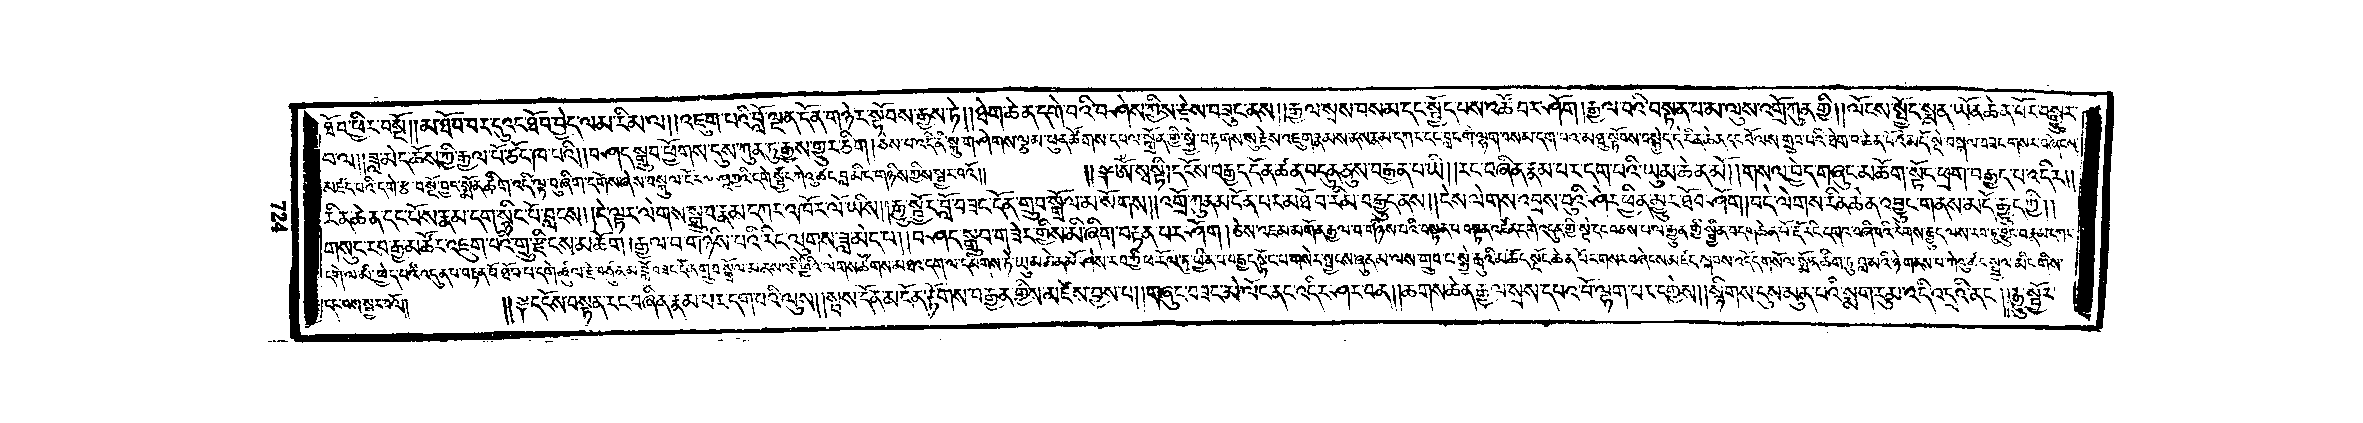ཐོབ་ཕྱིར་བསྔོ། །མ་ཐོབ་བར་དུའང་ཐོབ་བྱེད་ལམ་རིམ་ལ། །འཇུག་པའི་བློ་ལྡན་དོན་གཉེར་སྟོབས་རྒྱས་ཏེ། །ཐེག་ཆེན་དགེ་བའི་བཤེས་ཀྱིས་རྗེས་བཟུང་ནས། །རྒྱལ་སྲས་བསམ་དང་སྤྱོད་པས་འཚོ་བར་ཤོག །རྒྱལ་བའི་བསྟན་པ་མ་ལུས་འགྲོ་ཀུན་གྱི། །ལོངས་སྤྱོད་སྨན་ཡོན་ཆེན་པོར་བསྒྱུར་
བ་ལ། །ཟླ་མེད་ཆོས་ཀྱི་རྒྱལ་པོ་ཙོང་ཁ་པའི། །བཤད་སྒྲུབ་ཕྱོགས་དུས་ཀུན་ཏུ་རྒྱས་གྱུར་ཅིག །ཅེས་པ་འདི་ནི་སྐུ་གཤེགས་ལྕམ་ཕུན་ཚོགས་དཔལ་སྒྲོན་གྱི་སྐྱེ་བརྟགས་སུ་རྗེས་འཇུག་རྣམས་ནས་རྣམ་དཀར་དང་བླང་གི་ལྷག་བསམ་དག་པའི་མཐུ་སྟོབས་བསྐྱེད་དེ་རིན་ཆེན་དང་པོ་ལས་གྲུབ་པའི་ཐེག་པ་ཆེན་པོའི་མདོ་སྡེ་བསྐལ་བཟང་གསར་བཞེངས་
མཛད་པའི་དགེ་རྩ་བསྔོ་བྱང་སྨོན་ཚིག་འདི་ལྟ་བུ་ཞིག་དགོས་ཞེས་བསྐུལ་ངོར་ཤཱཀྱའི་དགེ་སྦྱོང་ཀེའུ་ཚང་བླ་མིང་གཉིས་ཀྱིས་སྦྱར་བའོ།། །།ཨོཾ་སྭ་སྟི། དངོས་བརྒྱད་དོན་ཚན་བདུན་ཅུས་བརྒྱན་པ་ཡི། །རང་བཞིན་རྣམ་པར་དག་པའི་ཡུམ་ཆེན་མོ། །གསལ་བྱེད་གཞུང་མཆོག་སྟོང་ཕྲག་བརྒྱད་པ་འདིར། །
རིན་ཆེན་དང་པོས་རྣམ་དག་སྙིང་པོ་བླངས། །དེ་ལྟར་ལེགས་སྒྲུབ་རྣམ་དཀར་འཁོར་ལོ་ཡིས། །རྒྱུ་སྦྱོར་བློ་བཟང་དོན་གྲུབ་སྒྲོལ་མ་སོགས། །འགྲོ་ཀུན་མངོན་པར་མཐོ་བ་རིམ་བརྒྱུད་ནས། །ངེས་ལེགས་འབྲས་བུའི་ཤེར་ཕྱིན་མྱུར་ཐོབ་ཤོག །བདེ་ལེགས་རིན་ཆེན་འབྱུང་གནས་མདོ་རྒྱུད་ཀྱི། །
གསུང་རབ་རྒྱ་མཚོར་འཇུག་པའི་གྲུ་རྫིངས་མཆོག །རྒྱལ་བ་གཉིས་པའི་རིང་ལུགས་ཟླ་མེད་པ། །བཤད་སྒྲུབ་གཟེར་གྱིས་མི་ཞིག་བརྟན་པར་ཤོག །ཅེས་འཇམ་མགོན་རྒྱལ་བ་གཉིས་པའི་བསྟན་པ་བསྟན་འཛིན་དགེ་འདུན་གྱི་སྡེ་དང་བཅས་པ་ལ་རྒྱུན་གྱི་སྦྱིན་བདག་ཆེན་པོ་རྡོ་རིང་དགའ་བཞི་བའི་རེགས་རྒྱུད་ལས་རབ་ཏུ་བྱུང་བ་རྣམ་དཀར་
དགེ་ལ་མི་ཕྱེད་པའི་འདུན་པ་བརྟན་པོ་ཐོབ་པ་དགེ་ཚུལ་རྗེ་བཙུན་མ་བློ་བཟང་དོན་གྲུབ་སྒྲོལ་མ་ནས་འདི་ཕྱིའི་ལེགས་ཚོགས་མཐའ་དག་ལ་དམིགས་ཏེ་ཡུམ་ཆེན་མོ་ཤེས་རབ་ཀྱི་ཕ་རོལ་ཏུ་ཕྱིན་པ་བརྒྱད་སྟོང་པ་གསེར་སྦྱངས་ཞུན་མ་ལས་གྲུབ་པ་སྐྱེ་རྒུའི་མཆོད་སྡོང་ཆེན་པོར་གསར་བཞེངས་མཛད་སྐབས་འདོད་གསོལ་སྨོན་ཚིག་ཏུ་བླ་མའི་ཉེ་གནས་པ་ཀེའུ་ཚང་སྤྲུལ་མིང་གིས་
དང་བས་སྦྱར་བའོ།། །།དངོས་བསྟན་རང་བཞིན་རྣམ་པར་དག་པའི་ལུས། །སྦས་དོན་མངོན་རྟོགས་བརྒྱན་གྱིས་མཛེས་བྱས་པ། །གཞུང་བཟང་མེ་ལོང་ནང་འདིར་ཤར་བ་ན། །ཆགས་ཆེན་རྒྱལ་སྲས་དཔའ་བོ་ལྷག་པར་དགྱེས། །སྙིགས་དུས་མུན་པའི་སྨག་རུམ་འདི་འདྲའི་ནང་། །རྒྱུ་སྦྱོར་